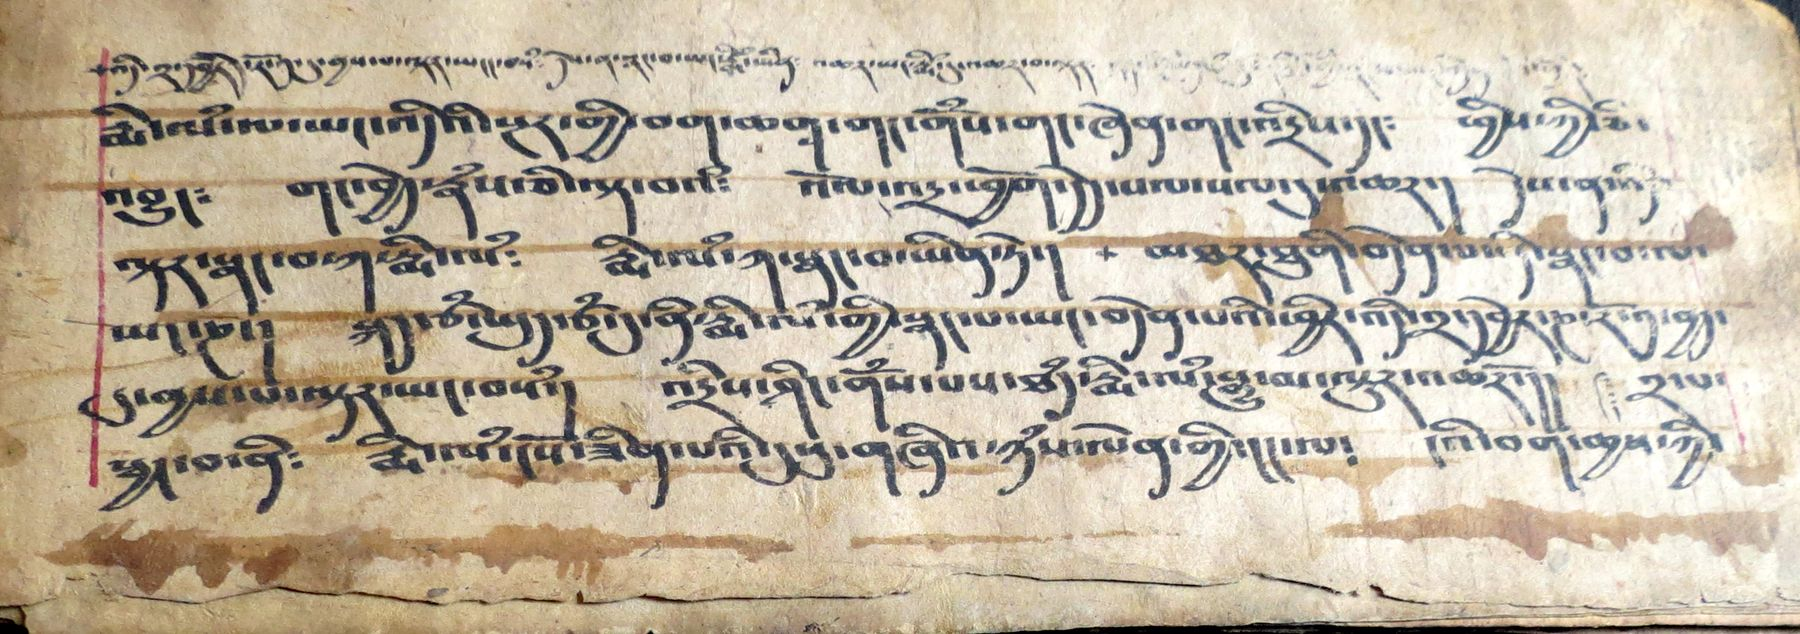རྨི་ལམ་ལ་ཡང་འདི་ཡིན། སྔར་གྱི་བག་ཆགས་གང་གོམས་གང་ཞེན་གང་འདྲིས་དང་། ཕྱིས་ཀྱི་ཅི་
འབྱུང་། གང་བྱེད་རྣམས་ཇི་ལྟ་བའམ། འོལ་འདྲ་ཕྱོགས་དོད་སལ་སལ་དུ་འཆར། དེས་ན་འདི་
ལྟར་སྣང་བ་ཀ་རྨི་ལམ། རྨི་ལམ་ཀ་སྣང་བ་ཡིན་ཏེ། འདི་གཉིས་དབྱེར་མེད་རོ་གཅིག་གནད་གཅིག་དུ་གནས་པ་ལྟར་ཡང་ཡང་དུ་བསམ། དེས་ན་སྣང་བ་ཡང་རྨི་ལམ་ཡིན། འཆར་ཡང་རྨི་ལམ་དུ་འཆར་བ་ལྟར། མཐར་ཐུག་གི་བདེན་པ་ནི་སྣང་བ་ལ་
ཡང་མེད། སྐད་ཙམ་ཡུད་ཙམ་དུ་ནི་རྨི་ལམ་གྱི་སྣང་བ་ཡང་བདེན་པའི་ཕྱིར། འདི་འདྲ་དབྱེར་མེད་རྩ་རོགས་བྱད་
དུ་བྱས་པ་ལྟར་ཡང་བསམ། འདྲིས་ཤིང་གོམས་པས་ཐམས་ཅད་རྨི་ལམ་སྒྱུ་མ་ལྟ་བུར་འཆར་རོ། ། གཉིས་པ་
སྦྱང་བ་ནི། རྨི་ལམ་ངོས་ཟིན་པའི་དུས་སུ། གཞི་ཉམས་ལེན་གྱི་ངང་ལས། ངའི་བག་ཆགས་ཀྱི་